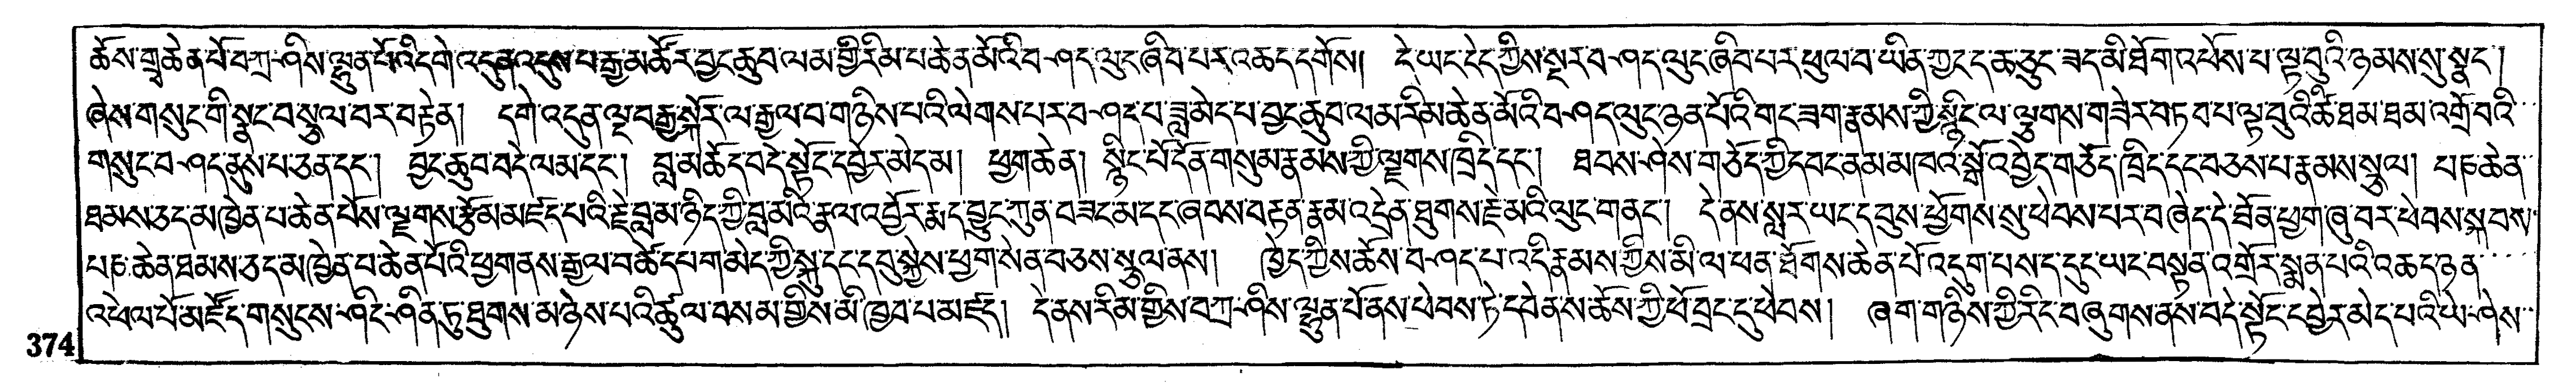ཆོས་གྲྭ་ཆེན་པོ་བཀྲ་ཤིས་ལྷུན་པོའི་དགེ་འདུན་འདུས་པ་རྒྱ་མཚོར་བྱང་ཆུབ་ལམ་གྱི་རིམ་པ་ཆེན་མོའི་བཤད་ལུང་ཞིབ་པར་འཆད་དགོས། དེ་ཡང་དེད་ཀྱིས་སྔར་བཤད་ལུང་ཞིབ་པར་ཕུལ་བ་ཡིན་ཀྱང་ད་ཆ་ཅུང་ཟད་མི་ཐོག་འཕོས་པ་ལྟ་བུའི་ཉམས་སུ་སྣང་།
ཞེས་གསུང་གི་སྣང་བ་སྩལ་བར་བརྟེན། དགེ་འདུན་ལྔ་བརྒྱ་སྐོར་ལ་རྒྱལ་བ་གཉིས་པའི་ལེགས་པར་བཤད་པ་ཟླ་མེད་པ་བྱང་ཆུབ་ལམ་རིམ་ཆེན་མོའི་བཤད་ལུང་ཉན་པོའི་གང་ཟག་རྣམས་ཀྱི་སྙིང་ལ་ལྕགས་གཟེར་བཏབ་པ་ལྟ་བུའི་ཚེ་ཐམ་ཐམ་འགྲོ་བའི་
གསུང་བཤད་རུས་བཅན་དང་། བྱང་ཆུབ་བདེ་ལམ་དང་། བླ་མཆོད་བདེ་སྟོང་དབྱེར་མེད་མ། ཕྱག་ཆེན། སྙིང་པོ་དོན་གསུམ་རྣམས་ཀྱི་ལྗགས་ཁྲིད་དང་། ཐབས་ཤེས་གཅོད་ཀྱི་དབང་ནམ་མཁའ་སྒོ་འབྱེད་གཅོད་ཁྲིད་དང་བཅས་པ་རྣམས་སྩལ། པཎ་ཆེན་
ཐམས་ཅད་མཁྱེན་པ་ཆེན་པོས་ལྗགས་རྩོམ་མཛད་པའི་རྗེ་བླ་མ་ཉིད་ཀྱི་བླ་མའི་རྣལ་འབྱོར་རྨད་བྱུང་ཀུན་བཟང་མ་དང་ཞབས་བརྟན་རྣམ་འདྲེན་ཐུགས་རྗེ་མའི་ལུང་གནང་། དེ་ནས་སླར་ཡང་དབུས་ཕྱོགས་སུ་ཕེབས་པར་བཞེད་དེ་ཐོན་ཕྱག་ཞུ་བར་ཕེབས་སྐབས་
པཎ་ཆེན་ཐམས་ཅད་མཁྱེན་པ་ཆེན་པོའི་ཕྱག་ནས་རྒྱལ་བ་ཚེ་དཔག་མེད་ཀྱི་སྐུ་དང་དབུ་སྐྱེས་ཕྱག་སེན་བཅས་སྩལ་ནས། ཁྱེད་ཀྱིས་ཆོས་བཤད་པ་འདི་རྣམས་ཀྱིས་མི་ལ་ཕན་ཐོགས་ཆེན་པོ་འདུག་པས་ད་དུང་ཡང་བསྟན་འགྲོར་སྨོན་པའི་འཆང་ཉན་
འཕེལ་པོ་མཛོད་གསུངས་ཤིང་ཤིན་ཏུ་ཐུགས་མཉེས་པའི་ཚུལ་བསམ་གྱིས་མི་ཁྱབ་པ་མཛད། དེ་ནས་རིམ་གྱིས་བཀྲ་ཤིས་ལྷུན་པོ་ནས་ཕེབས་ཏེ་དབེན་ས་ཆོས་ཀྱི་ཕོ་བྲང་དུ་ཕེབས། ཞག་གཉིས་ཀྱི་རིང་བཞུགས་ནས་བདེ་སྟོང་དབྱེར་མེད་པའི་ཡེ་ཤེས་